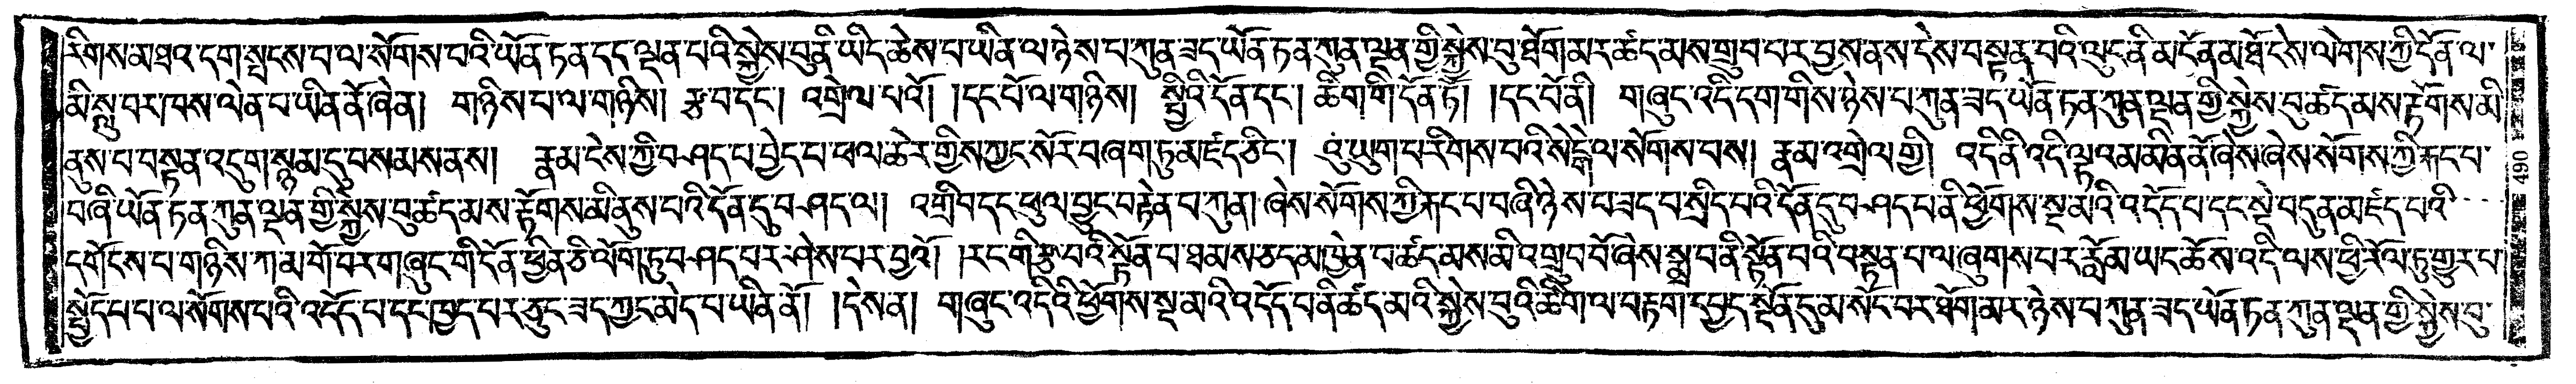རིགས་མཐའ་དག་སྤངས་པ་ལ་སོགས་པའི་ཡོན་ཏན་དང་ལྡན་པའི་སྐྱེས་བུ་ནི་ཡིད་ཆེས་པ་ཡིན་ལ་ཉེས་པ་ཀུན་ཟད་ཡོན་ཏན་ཀུན་ལྡན་གྱི་སྐྱེས་བུ་ཐོག་མར་ཚད་མས་གྲུབ་པར་བྱས་ནས་དེས་བསྟན་པའི་ལུང་ནི་མངོན་མཐོ་ངེས་ལེགས་ཀྱི་དོན་ལ་
མི་སླུ་བར་ཁས་ལེན་པ་ཡིན་ནོ་ཞེ་ན། གཉིས་པ་ལ་གཉིས། རྩ་བ་དང་། འགྲེལ་པའོ། །དང་པོ་ལ་གཉིས། སྤྱིའི་དོན་དང་། ཚིག་གི་དོན་ཏོ། །དང་པོ་ནི། གཞུང་འདི་དག་གིས་ཉེས་པ་ཀུན་ཟད་ཡོན་ཏན་ཀུན་ལྡན་གྱི་སྐྱེས་བུ་ཚད་མས་རྟོགས་མི་
ནུས་པ་བསྟན་འདུག་སྙམ་དུ་བསམས་ནས། རྣམ་ངེས་ཀྱི་བཤད་པ་བྱེད་པ་ཕལ་ཆེར་གྱིས་ཀྱང་སོར་བཞག་ཏུ་མཛད་ཅིང་། འུ་ཡུག་པ་རིགས་པའི་སེངྒེ་ལ་སོགས་པས། རྣམ་འགྲེལ་གྱི། འདི་ནི་འདི་ལྟའམ་མིན་ནོ་ཞེས་སོགས་ཀྱི་རྐང་པ་
བཞི་ཡོན་ཏན་ཀུན་ལྡན་གྱི་སྐྱེས་བུ་ཚད་མས་རྟོགས་མི་ནུས་པའི་དོན་དུ་བཤད་ལ། འགྲིབ་དང་ཕུལ་བྱུང་བརྟེན་པ་ཀུན། ཞེས་སོགས་ཀྱི་རྐང་པ་བཞི་ཉེས་པ་ཟད་པ་སྲིད་པའི་དོན་དུ་བཤད་པ་ནི་ཕྱོགས་སྔ་མའི་འདོད་པ་དང་སྡེ་བདུན་མཛད་པའི་
དགོངས་པ་གཉིས་ཀ་མ་གོ་བར་གཞུང་གི་དོན་ཕྱིན་ཅི་ལོག་ཏུ་བཤད་པར་ཤེས་པར་བྱའོ། །རང་གི་རྩ་བའི་སྟོན་པ་ཐམས་ཅད་མཁྱེན་པ་ཚད་མས་མི་འགྲུབ་བོ་ཞེས་སྨྲ་བ་ནི་སྟོན་པའི་བསྟན་པ་ལ་ཞུགས་པར་རློམ་ཡང་ཆོས་འདི་ལས་ཕྱི་རོལ་ཏུ་གྱུར་པ་
སྤྱོད་པ་པ་ལ་སོགས་པའི་འདོད་པ་དང་ཁྱད་པར་ཅུང་ཟད་ཀྱང་མེད་པ་ཡིན་ནོ། །དེས་ན། གཞུང་འདིའི་ཕྱོགས་སྔ་མའི་འདོད་པ་ནི་ཚད་མའི་སྐྱེས་བུའི་ཚིག་ལ་བརྟག་དཔྱད་སྔོན་དུ་མ་སོང་བར་ཐོག་མར་ཉེས་པ་ཀུན་ཟད་ཡོན་ཏན་ཀུན་ལྡན་གྱི་སྐྱེས་བུ་